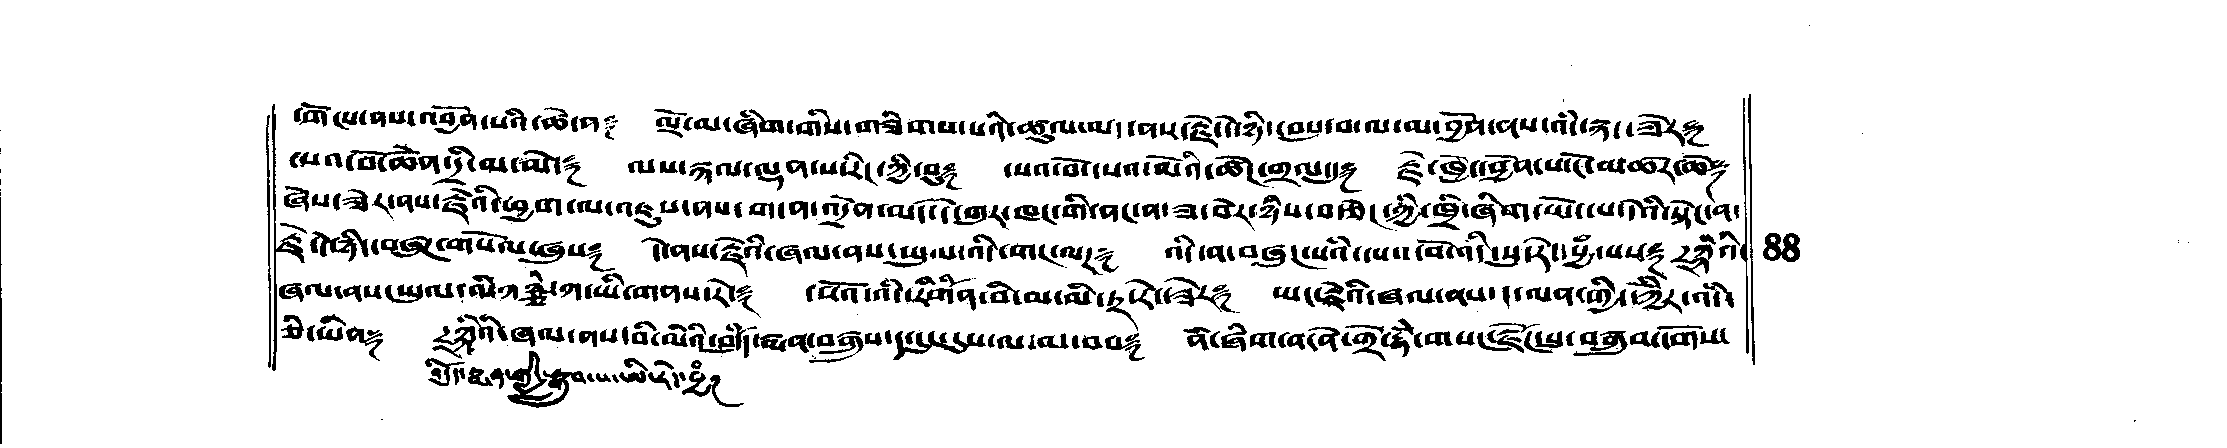དགོངས་ནས་འབྱོན་པའི་ཚེ་ན། མཁའ་འགྲོ་མ་ཞིག་གིས་གཟིགས་པའི་ཚུལ་མཛད་ནས་རྗེ་དེ་ཉིད་བསུ་བ་ལ་མ་བྱོན་༼བྱོན་?༽ནས་འདི་སྐད་ཟེར། 
དཔའ་བོ་ཆེན་པོ་དྲི་མ་མེད། །ལས་སྐལ་ལྡན་པ་རིགས་ཀྱི་བུ། །དཔའ་བོ་དཔའ་མོའི་ཚོགས་གྲལ་དུ། །རྗེ་ཁྱེད་བྱོན་པ་ངོ་མཚར་ཆེ། །
ཞེས་ཟེར་ནས་རྗེའི་ཕྱག་ལ་འཇུས་ནས་གདན་འདྲེན་མཛད་དེ་གུར་ཁང་གི་ནང་ན་ཟ་བེར་ཉིས་བརྩེགས་ཀྱི་ཁྲི་ཞིག་ཡོད་པ་དེའི་སྟེང་ན་
རྗེ་དེ་ཉིད་བཞུགས་གསོལ་ཞུས། དེ་ནས་རྗེའི་ཞལ་ནས་ཡུལ་འདི་གང་ལགས། འདི་ན་བཞུགས་པའི་དཔའ་བོ་འདི་སུ་རེད་གསུངས་པས། ཌཱཀྐིའི་
ཞལ་ནས་ཡུལ་འདི་ཀཉྩེ་ཀ་ཡི་གནས་རེད། དཔའ་བོ་འདི་རིག་འཛིན་བི་མ་མི་ཏྲ་རེད་ཟེར། ཡང་རྗེའི་ཞལ་ནས་ད་ལན་གྱི་དཀྱིལ་འཁོར་འདི་
ཅི་ཡིན། བདུད་རྩི་སྨན་གྱི་སྒྲུབ་པ་ཨི་རེད་གསུངས། ཌཱཀྐིའི་ཞལ་ནས་བི་མིའི་བདུད་རྩི་སྨན་བསྒྲུབ་ད་དུང་དུས་ལ་མ་བབ། ནམ་ཞིག་ན་ནེ་གྲོ་རྡོ་རྗེ་གསང་རྫོགས་སུ་༼རྫོང་དུ་?༽བསྒྲུབ་དགོས་